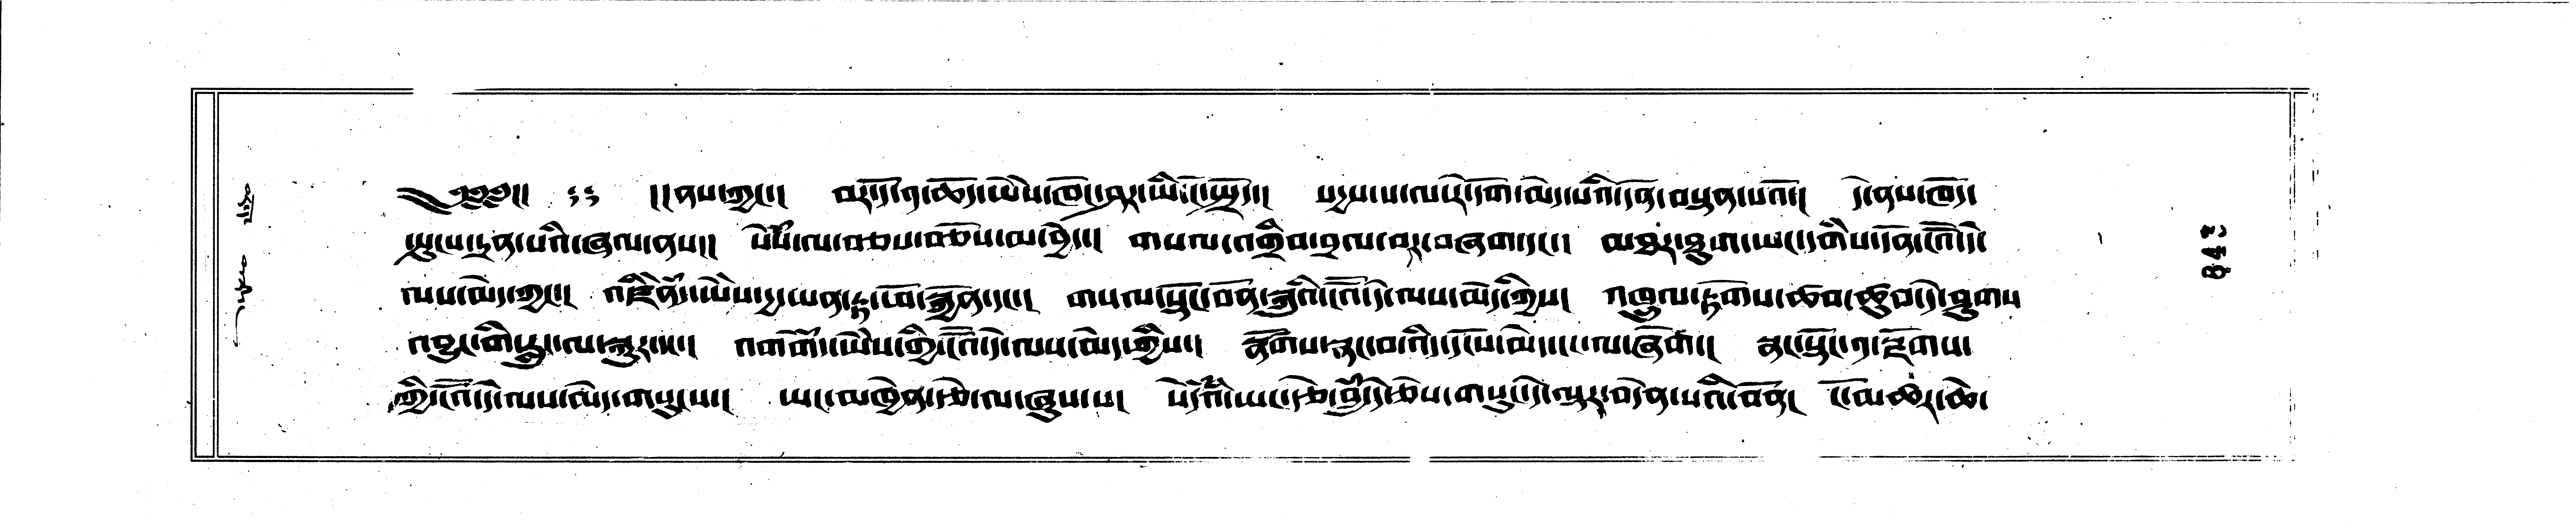ནས་ཀྱང་། བར་དོ་གཅིག་ཆོད་ཡེ་ཤེས་ཁོང་ཤར་ཡི་ངོ་སྤྲོད། སངས་རྒྱས་ས་ལ་རེ་དོགས་མེད་པའི་དོན་བསྟན་པའོ། །དེ་ནས་ཁོད་
སྤུངས་དྲན་པའི་ཞལ་ནས། སེམས་ལ་བཅས་བཅོས་མ་བྱེད། གསལ་འགྲིབ་བྲལ་བར་བཞག་དང་། མཐར་ཐུག་ཡང་དག་གི་དོན་ངོའོ་དེ་
ལས་མེད་ཀྱང་། འཛིན་མེད་ཡེ་ཤེས་རྒྱ་ཡན་རྟ་ཕོ་སྐྱོན་དང་། གསལ་སྟོང་བོན་སྐུའི་ངོའོ་དེ་ལས་མེད་ཀྱིས། འཁྲུལ་རྟོག་ཚབ་ཚུབ་དེ་ཤུགས་
འབྱུང་གི་རླུང་ལ་སྐུར་དང་། འགག་མེད་ཡེ་ཤེས་ཀྱི་ངོའོ་དེ་ལས་མེད་ཀྱིས། སྣ་ཚོགས་སྣང་བ་འདི་དངོས་མེད་ངང་ལ་ཞོག སྣང་སྟོང་གཅིག་རྫོགས་
ཀྱི་ངོའོ་དེ་ལས་མེད་གསུངས། ཡང་མཁྱེན་བརྩེ་ལ་ཞུས་པ། སེམས་དཔའི་ཡང་རྩེ་བླ་མ་དེ། ཅེས་གསུངས་དེ་ལྟར་བདེན་པའི་བོན། ངོ་མཚར་ཆེ་